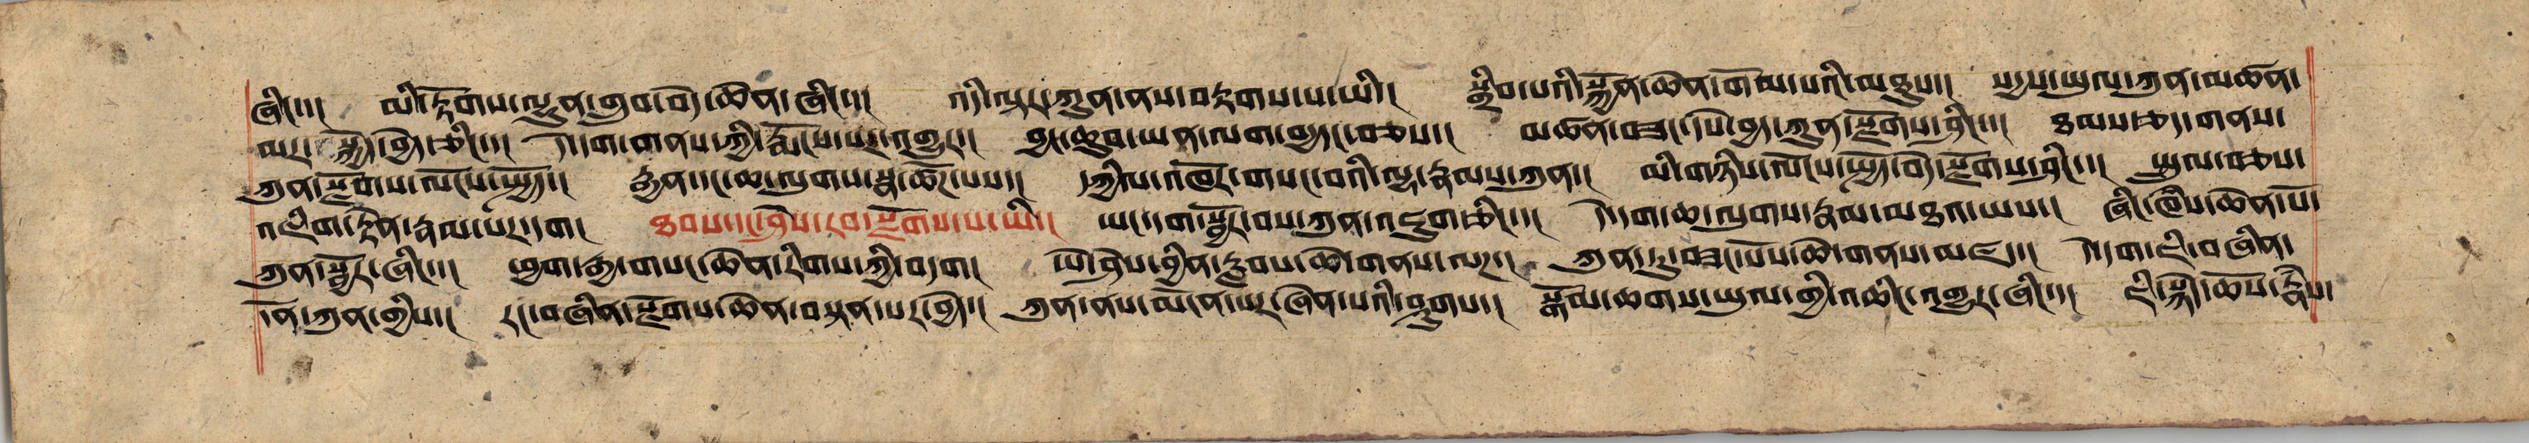ཞིང་་། མི་རྟོགས་ལྷུན་གྲུབ་བདེ་ཆེན་ཞིང་་། འདི་ལྟར་ཀུན་ནས་བརྟགས་པ་ཡི་། སྒྲིབ་པའི་སྐྱོན་ཆེན་གོལ་པའི་མཐུས་། སདྱས་ཡུལ་ཀུན་མཚན་
མར་བསྐྱེད་བྱེད་ཅིང་་། དེ་དག་གནས་ཀྱི་རྨོངས་པར་འགྱུར་། བྱང་ཆུབ་ཡན་ལག་བདྱདང་བཅས་། མཚན་བཟང་དཔེ་བྱད་ཀུན་སྫོགས་ཤིང་་། ཐམས་ཅད་གནས་
ཀུན་སྫོགས་ལོངས་སྤྱོད་། རྒྱན་དང་ཆ་ལུགས་སྣ་ཚོཌ་པས་། དཀྱིལ་འཁོར་གསང་བའིལྷ་རྣམས་ཀུན་། མི་གཉིས་ལོངས་སྤྱོད་བདེ་སྫོགས་ཤིང་་། སྤྲུལ་བཅས་
འཇིག་རྟེན་རྣམ་པར་དག། ཐབས་དང་ཤེས་རབ་སྫོགས་པ་ཡི་། ཡང་དག་སྦྱོར་བས་ཀུན་འཇུག་ཅིང་་། དེ་དག་ཆ་ལུགས་རྣམ་མཐའ་ཡས་། ཞིང་ཁཾས་ཆེན་པོ་
ཀུན་སྦྱོར་ཞིང་་། ཕྱག་རྒྱ་གསང་ཆེན་རིགས་ཀྱི་བདག། ཡེ་ཤེས་བྱིན་རླབས་ཚེ་གནས་ལཌ་། ཀུན་ཏུ་བཟང་པོས་ཆེ་གནས་མཛད་། དེ་དག་ཇི་བཞིན་
དོན་ཀུན་གྱིས་། རང་བཞིན་སྫོགས་ཆེན་བསྟན་པར་བྱེད་། ཀུན་ནས་མངོན་པར་ཞེན་པའི་ཤུགས་། སྒོམ་ཆགས་ཡུལ་གྱི་འཆིང་འགྱུར་ཞིང་་། ཇི་སྙེད་ཆོས་རྣཾས་